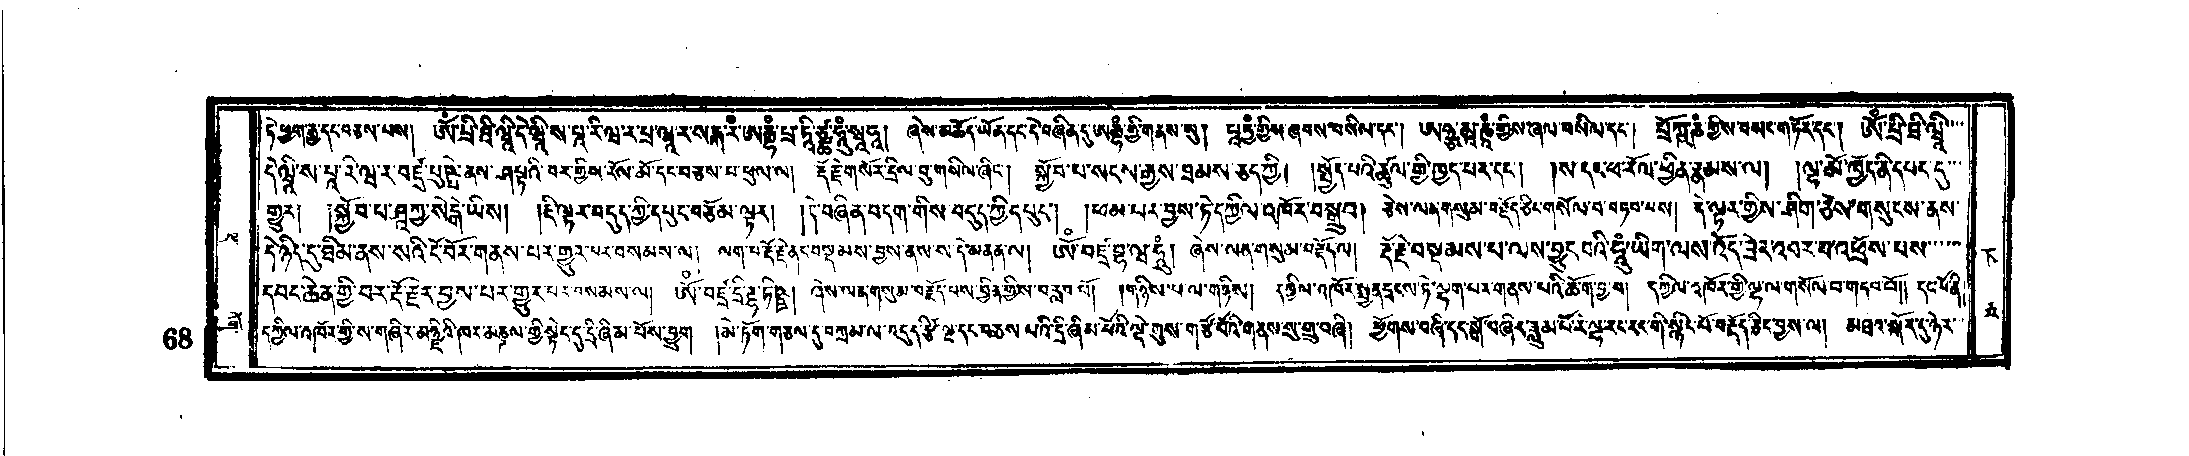ཏེ་ཕྱག་རྒྱ་དང་བཅས་པས། ཨོཾ་པྲི་ཐི་ཝཱི་དེ་ཝཱི་ས་པཱ་རི་ཝ་ར་པྲ་ཝཱ་ར་སངྐ་རཾ་ཨརྒྷཾ་པྲ་ཏཱི་ཙྪ་ཧཱུཾ་སྭཱཧཱ། ཞེས་མཆོད་ཡོན་དང་དེ་བཞིན་དུ་ཨརྒྷཾ་གྱི་གནས་སུ། པཱ་དྱཾ་གྱིས་ཞབས་བསིལ་དང་། ཨཉྩ་མཱ་ཎཱཾ་གྱིས་ཞལ་བསིལ་དང་། པྲོཀྵ་ཎཾ་གྱིས་བསང་གཏོར་དང་། ཨོཾ་པྲི་ཐི་ཝཱི་
དེ་ཝཱི་ས་པཱ་རི་ཝ་ར་བཛྲ་པུཥྤེ་ནས་ཤཔྟའི་བར་གྱིས་རོལ་མོ་དང་བཅས་པ་ཕུལ་ལ། རྡོ་རྗེ་གསོར་དྲིལ་བུ་གསིལ་ཞིང་། སྐྱོབ་པ་སངས་རྒྱས་ཐམས་ཅད་ཀྱི། །སྤྱོད་པའི་ཚུལ་གྱི་ཁྱད་པར་དང་། །ས་དང་ཕ་རོལ་ཕྱིན་རྣམས་ལ། །ལྷ་མོ་ཁྱོད་ནི་དཔང་དུ་
གྱུར། །སྐྱོབ་པ་ཤཱཀྱ་སེངྒེ་ཡིས། །ཇི་ལྟར་བདུད་ཀྱི་དཔུང་བཅོམ་ལྟར། །དེ་བཞིན་བདག་གིས་བདུད་ཀྱི་དཔུང་། །ཕམ་པར་བྱས་ཏེ་དཀྱིལ་འཁོར་བསྒྲུབ། ཅེས་ལན་གསུམ་བརྗོད་ཅིང་གསོལ་བ་བཏབ་པས། དེ་ལྟར་གྱིས་ཤིག་ཅེས་གསུངས་ནས་
དེ་ཉིད་དུ་ཐིམ་ནས་སའི་ངོ་བོར་གནས་པར་གྱུར་པར་བསམས་ལ། ལག་པ་རྡོ་རྗེ་ནང་བསྡམས་བྱས་ནས་ས་དེ་མནན་ལ། ཨོཾ་བཛྲ་བྷ་ཝ་ཧཱུཾ། ཞེས་ལན་གསུམ་བརྗོད་ལ། རྡོ་རྗེ་བསྡམས་པ་ལས་བྱུང་བའི་ཧཱུཾ་ཡིག་ལས་འོད་ཟེར་འབར་བ་འཕྲོས་པས་
དབང་ཆེན་གྱི་བར་རྡོ་རྗེར་བྱས་པར་གྱུར་པར་བསམས་ལ། ཨོཾ་བཛྲ་དྲི་ཌྷ་ཏིཥཊཿཨ། ཞེས་ལན་གསུམ་བརྗོད་པས་བྱིན་གྱིས་བརླབ་པོ། །གཉིས་པ་ལ་གཉིས། དཀྱིལ་འཁོར་སྤྱན་དྲངས་ཏེ་ལྷག་པར་གནས་པའི་ཆོ་ག་བྱ་བ། དཀྱིལ་འཁོར་གྱི་ལྷ་ལ་གསོལ་བ་གདབ་པོ། །དང་པོ་ནི།
དཀྱིལ་འཁོར་གྱི་ས་གཞིར་མཉྫིའི་ཁར་མཎྜལ་གྱི་སྟེང་དུ་དྲི་ཞིམ་པོས་བྱུག །མེ་ཏོག་གཅལ་དུ་བཀྲམ་ལ་འདུད་རྩི་ལྔ་དང་བཅས་པའི་དྲི་ཞིམ་པོའི་ལྡེ་གུས་གཙོ་བོའི་གནས་སུ་གྲུ་བཞི། ཕྱོགས་བཞི་དང་སྒོ་བཞིར་ཟླུམ་པོ་རེ་ལྷ་རང་རང་གི་སྙིང་པོ་བརྗོད་ཅིང་བྱས་ལ། མཐའ་སྐོར་དུ་ཉེར་